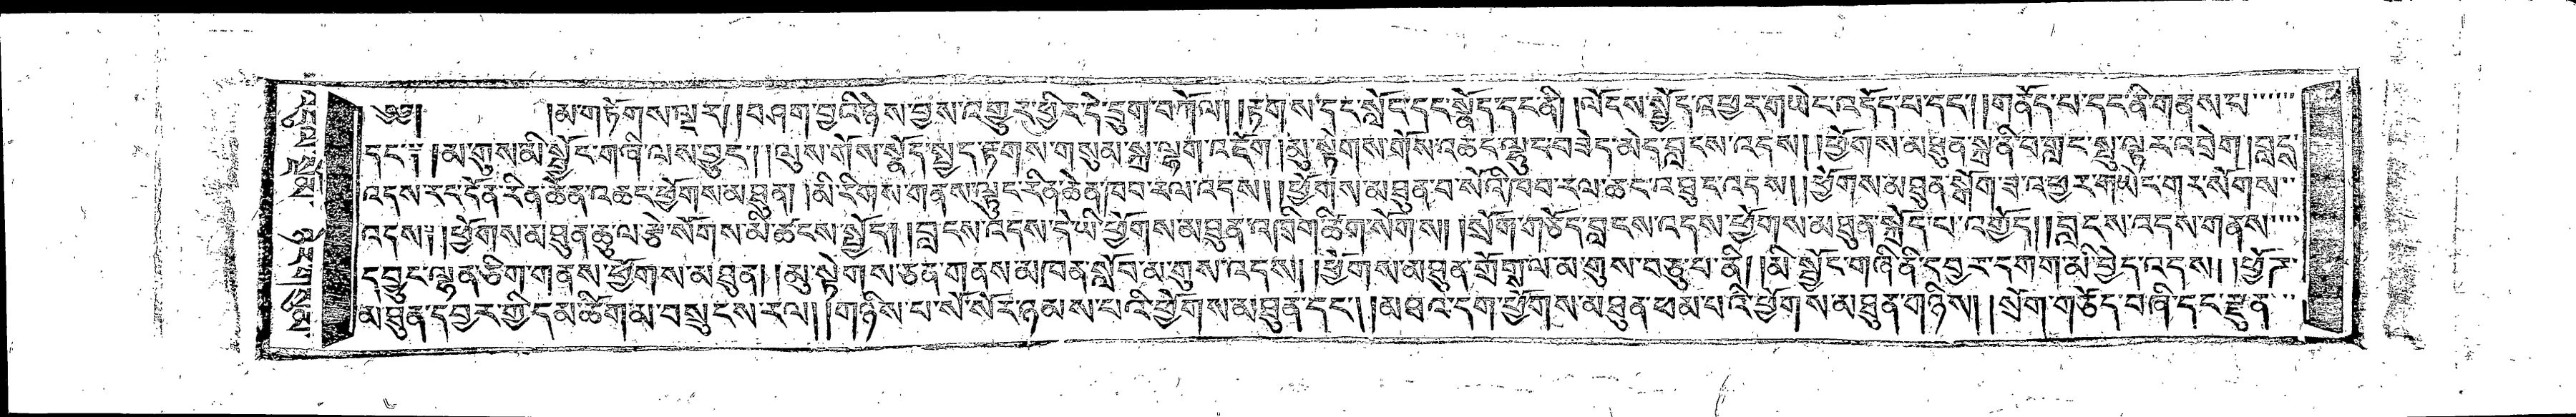༄༅། །མ་གཏོགས་ལྔར། །བཤག་བྱའི་ཉེས་བྱས་འགྱུར་ཕྱིར་དེ་དྲུག་བཀོལ། །རྟགས་དང་སློང་དང་སྣོད་དང་ནི། །ལོངས་སྤྱོད་འཕྱར་གཡེང་འདོད་པ་དང་། །གནོད་པ་དང་ནི་གནས་པ་
དང༑ །མ་གུས་མི་སྦྱོང་གཞི་ལས་བྱུང་། །ལུས་གོས་སྣོད་སྤྱད་རྟགས་གསུམ་སྐྲ་ལྷག་འཇོག །མུ་སྟེགས་གོས་འཆང་ལྷུང་བཟེད་མེད་བླངས་འདས། །ཕྱོགས་མཐུན་སྐྲ་ནི་བ་གླང་སྤུ་ལྟར་འབྲེག །བླངས་
འདས་རང་དོན་རིན་ཆེན་འཆང་ཕྱོགས་མཐུན། །མི་རིགས་གནས་ལྟུང་རིན་ཆེན་ཁབ་རལ་འདས། །ཕྱོགས་མཐུན་བ་སོའི་ཁབ་རལ་ཆང་འཐུང་འདས། །ཕྱོགས་མཐུན་སྒོག་ཟ་འཕྱར་གཡེང་གར་སོགས་
འདས༑ །ཕྱོགས་མཐུན་ཆུ་ལ་རྩེ་སོགས་མི་ཚངས་སྤྱོད། །བླངས་འདས་དེ་ཡི་ཕྱོགས་མཐུན་འཁྲིག་ཚིག་སོགས། །སྲོག་གཅོད་བླངས་འདས་ཕྱོགས་མཐུན་སྐྲོད་པ་འགྱོད། །བླངས་འདས་གནས་
དབྱུང་ལྷན་ཅིག་གནས་ཕྱོགས་མཐུན། །མུ་སྟེགས་ཅན་གནས་མཁན་སློབ་མ་གུས་འདས། །ཕྱོགས་མཐུན་གྲོགས་ལ་མ་གུས་བཅུ་པ་ནི། །མི་སྦྱོང་གཞི་ནི་དབྱར་དགག་མི་བྱེད་འདས། །ཕྱོགས་
མཐུན་དབྱར་གྱི་དམ་ཚིག་མ་བསྲུངས་རལ། །གཉིས་པ་སོ་སོར་ཉམས་པའི་ཕྱོགས་མཐུན་དང་། །མཐའ་དག་ཕྱོགས་མཐུན་ཕམ་པའི་ཕྱོགས་མཐུན་གཉིས། །སྲོག་གཅོད་བཞི་དང་རྫུན་